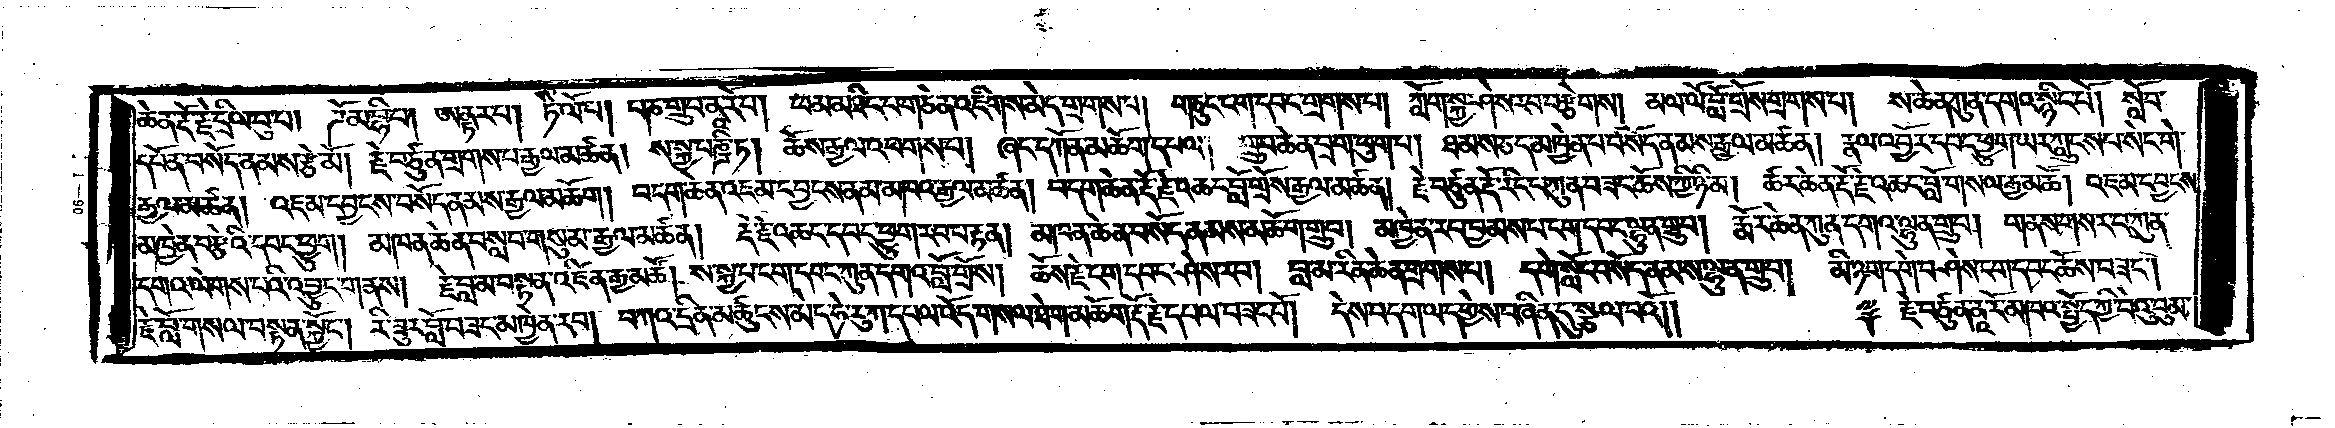ཆེན་རྡོ་རྗེ་དྲིལ་བུ་པ། ཌོ་མབྷི་པ། ཨནྟ་ར་པ། ཏི་ལོ་པ། པཎ་གྲུབ་ནཱ་རོ་པ། ཕམ་མཐིང་པ་གཅེན་འཇིགས་མེད་གྲགས་པ། གཅུང་ངག་དབང་གྲགས་པ། ཀློག་སྐྱ་ཤེས་རབ་བརྩེགས། མལ་ལོ་བློ་གྲོས་གྲགས་པ། ས་ཆེན་ཀུན་དགའ་སྙིང་པོ། སློབ་
དཔོན་བསོད་ནམས་རྩེ་མོ། རྗེ་བཙུན་གྲགས་པ་རྒྱལ་མཚན། ས་སྐྱ་པཎྜི་ཨ། ཆོས་རྒྱལ་འཕགས་པ། ཞང་དཀོན་མཆོག་དཔལ། སླབ་ཆེན་བྲག་ཕུག་པ། ཐམས་ཅད་མཁྱེན་པ་བསོད་ནམས་རྒྱལ་མཚན། རྣལ་འབྱོར་དབང་ཕྱུག་ཡར་ཀླུངས་པ་སེང་གེ་
རྒྱལ་མཚན། འཇམ་དབྱངས་བསོད་ནམས་རྒྱལ་མཆོག། བདག་ཆེན་འཇམ་དབྱངས་ནམ་མཁའ་རྒྱལ་མཚན། བདག་ཆེན་རྡོ་རྗེ་འཆང་བོག་རོས་རྒྱལ་མཚན། རྗེ་བཙུན་རྡོར་རིང་ཀུན་བཟང་ཆོས་ཀྱི་ཉི་མ། ཚར་ཆེན་རྡོ་རྗེ་འཆང་བློ་གསལ་རྒྱ་མཚོ། འཇམ་དབྱངས་
མཁྱེན་བརྩེའི་དབང་ཕྱུག། མཁན་ཆེན་བསླབ་གསུམ་རྒྱལ་མཚམ། རྡོར་རྗེ་འཆང་དབང་ཕྱུག་རབ་བརྟན། མཁན་ཆེན་བསོད་ནམས་མཆོག་གྲུབ། མཁྱེན་རབ་བྱམས་པ་ངག་དབང་ལྷུན་གྲུབ། རྨོར་ཆེན་ཀུན་དགའ་ལྷུན་གྲུབ། གནས་གསར་པ་ཀུན་
དགའ་ལེགས་པའི་འབྱུང་གནས། རྗེ་བླ་མ་བསྟན་འཛིན་རྒྱ་མཚོ། ས་སྐྱ་པ་ངག་དབང་ཀུན་དགའ་བློ་གྲོས། ཆོས་རྗེ་ངག་དབང་ཤེས་རབ། བླ་མ་རིན་ཆེན་གྲགས་པ། དགེ་སློང་བསོད་ནམས་ལྷུན་གྲུབ། མི་ཉག་དགེ་བཤེས་ངག་དབང་ཆོས་བཟང་།
རྗེ་བློ་གསལ་བསྟན་སྐྱོང་། རི་ཟུར་བློ་བཟང་མཁྱེན་རབ། བཀའ་དྲིན་མཚུངས་མེད་ཧེ་རུ་ཀ་དཔལ་འོད་གསལ་ཐེག་མཆོག་རྡོ་རྗེ་དཔལ་བཟང་པོ། དེས་བདག་ལ་དགྱེས་བཞིན་དུ་སྩལ་པའོ།། འ་རྗེ་བཙུན་ནཱ་རོ་མཁའ་སྤྱོད་ཀྱི་བེའུ་བུམ་